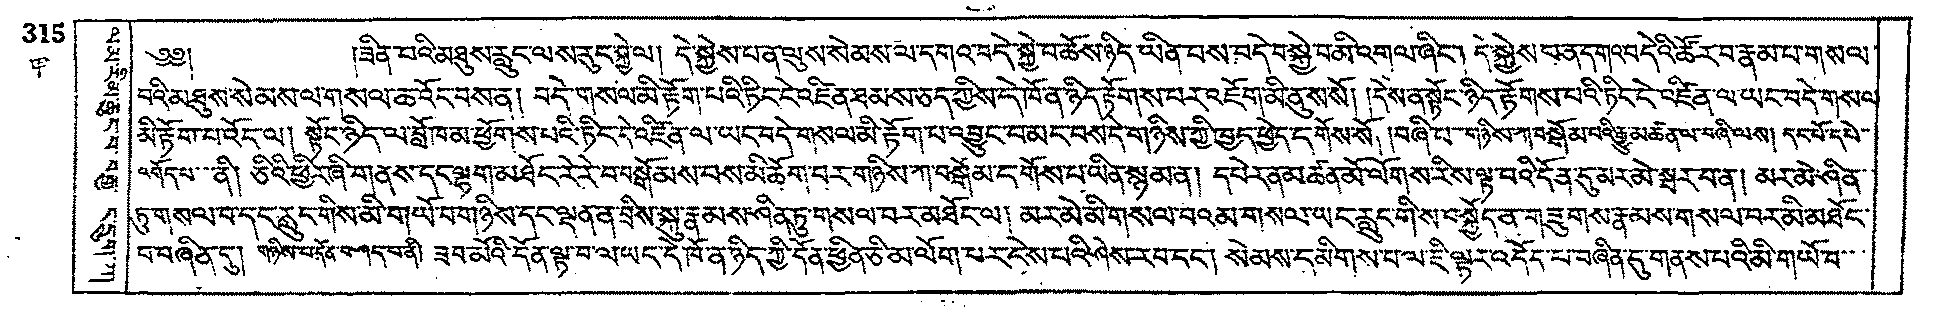༄༅། །ཟིན་པའི་མཐུས་རླུང་ལས་རུང་སྐྱེ་ལ། དེ་སྐྱེས་པ་ན་ལུས་སེམས་ལ་དགའ་བདེ་སྐྱེ་བ་ཆོས་ཉིད་ཡིན་པས་བདེ་བ་སྐྱེ་བ་མི་འགལ་ཞིང་། དེ་སྐྱེས་པ་ན་དགའ་བདེའི་ཚོར་བ་རྣམ་པ་གསལ་
པའི་མཐུས་སེམས་ལ་གསལ་ཆ་འོང་བས་ན། བདེ་གསལ་མི་རྟོག་པའི་ཏིང་ངེ་འཛིན་ཐམས་ཅད་ཀྱིས་དེ་ཁོ་ན་ཉིད་རྟོགས་པར་འཇོག་མི་ནུས་སོ། །དེས་ན་སྟོང་ཉིད་རྟོགས་པའི་ཏིང་ངེ་འཛིན་ལ་ཡང་བདེ་གསལ་
མི་རྟོག་པ་འོང་ལ། སྟོང་ཉིད་ལ་བློ་ཁ་མ་ཕྱོགས་པའི་ཏིང་ངེ་འཛིན་ལ་ཡང་བདེ་གསལ་མི་རྟོག་པ་འབྱུང་བ་མང་བས་དེ་གཉིས་ཀྱི་ཁྱད་ཕྱེད་དགོས་སོ། །བཞི་པགཉིས་ཀ་བསྒོམ་པའི་རྒྱུ་མཚན་ལ་བཞི་ལས།  དང་པོ་དཔེ་
འགོད་པནི། ཅིའི་ཕྱིར་ཞི་གནས་དང་ལྷག་མཐོང་རེ་རེ་བ་བསྒོམས་པས་མི་ཆོག་པར་གཉིས་ཀ་བསྒོམ་དགོས་པ་ཡིན་སྙམ་ན། དཔེར་ན་མཚན་མོ་ལོགས་རིས་ལྟ་བའི་དོན་དུ་མར་མེ་སྦར་བ་ན། མར་མེ་ཤིན་
ཏུ་གསལ་བ་དང་རླུང་གིས་མི་གཡོ་བ་གཉིས་དང་ལྡན་ན་བྲིས་སྐུ་རྣམས་ཤིན་ཏུ་གསལ་བར་མཐོང་ལ། མར་མེ་མི་གསལ་བའམ་གསལ་ཡང་རླུང་གིས་བསྐྱོད་ན་གཟུགས་རྣམས་གསལ་བར་མི་མཐོང་
བ་བཞིན་དུ། གཉིས་པ་དོན་བཤད་པ་ནི།  ཟབ་མོའི་དོན་ལྟ་བ་ལ་ཡང་དེ་ཁོ་ན་ཉིད་ཀྱི་དོན་ཕྱིན་ཅི་མ་ལོག་པར་ངེས་པའི་ཤེས་རབ་དང་། སེམས་དམིགས་པ་ལ་ཇི་ལྟར་འདོད་པ་བཞིན་དུ་གནས་པའི་མི་གཡོ་བ་